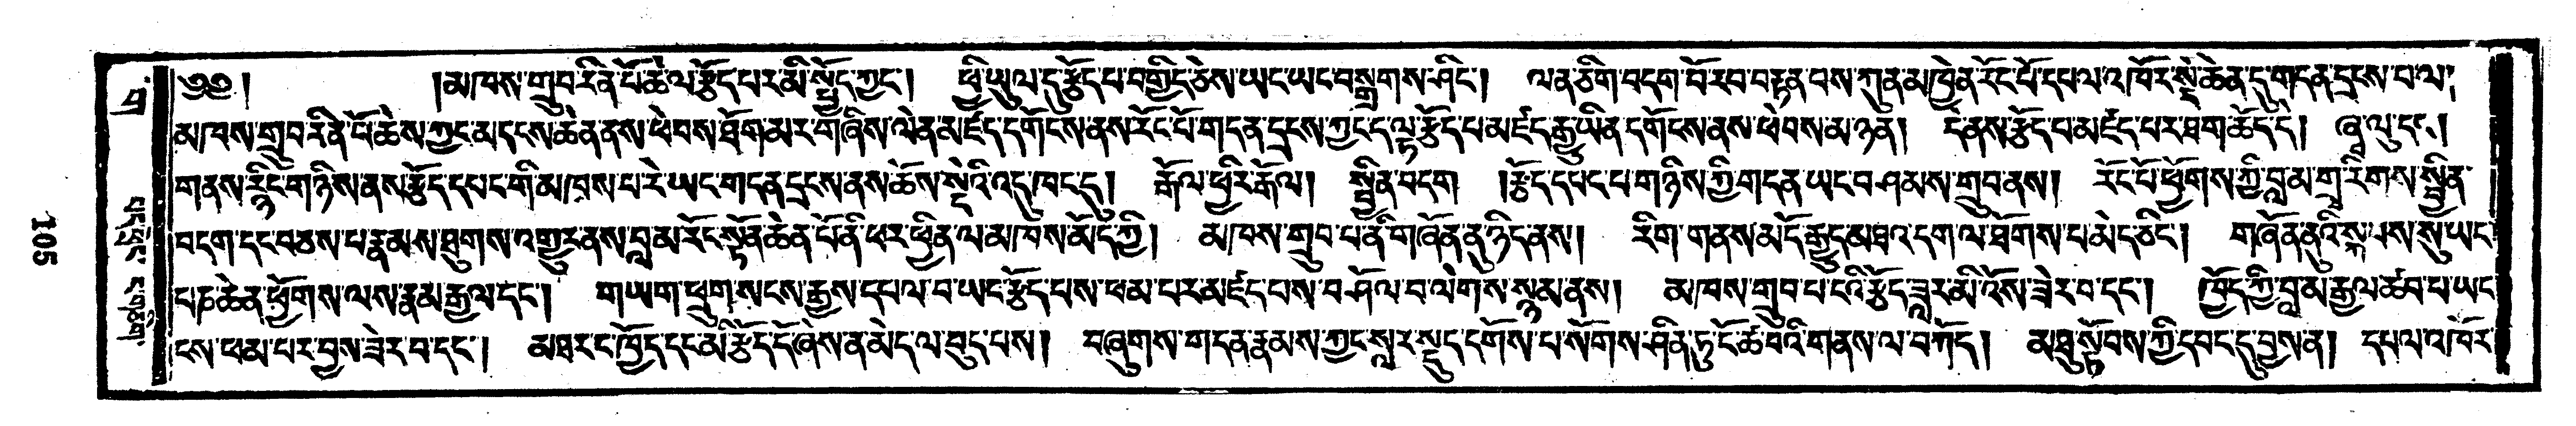༄༅། །མཁས་གྲུབ་རིན་པོ་ཆེ་ལ་རྩོད་པར་མི་སྤྱོད་ཀྱང་། ཕྱི་ཡུལ་དུ་རྩོད་པ་བགྱིང་ཅེས་ཡང་ཡང་བསྒྲགས་ཤིང་། ལན་ཅིག་བདག་པོ་རབ་བརྟན་པས་ཀུན་མཁྱེན་རོང་པོ་དཔལ་འཁོར་སྡེ་ཆེན་དུ་གདན་དྲངས་པ་ལ།
མཁས་གྲུབ་རིན་པོ་ཆེས་ཀྱང་མདངས་ཆེན་ནས་ཕེབས་ཐོག་མར་གཞིས་ལེན་མཛད་དགོངས་ནས་རོང་པོ་གདན་དྲངས་ཀྱང་ད་ལྟ་རྩོད་པ་མཛད་རྒྱུ་ཡིན་དགོངས་ནས་ཕེབས་མ་ཉན། དེ་ནས་རྩོད་པ་མཛད་པར་ཐག་ཆོད་དེ། ཞྭ་ལུ་དང་།
གནས་རྙིང་གཉིས་ནས་རྩོད་དཔང་གི་མཁས་པ་རེ་ཡང་གདན་དྲངས་ནས་ཆོས་སྡེའི་འདུ་ཁང་དུ། རྒོལ་ཕྱིར་རྒོལ། སྦྱིན་བདག །རྩོད་དཔང་པ་གཉིས་ཀྱི་གདན་ཡང་བཤམས་གྲུབ་ནས། རོང་པོ་ཕྱོགས་ཀྱི་བླ་མ་གྲྭ་རིགས་སྦྱིན་
བདག་དང་བཅས་པ་རྣམས་ཐུགས་འགྱུར་ནས་བླ་མ་རོང་སྟོན་ཆེན་པོ་ནི་ཕར་ཕྱིན་ལ་མཁས་མོད་ཀྱི། མཁས་གྲུབ་པ་ནི་གཞོན་ནུ་ཉིད་ནས། རིག་གནས་མདོ་རྒྱུད་མཐའ་དག་ལ་ཐོགས་པ་མེད་ཅིང་། གཞོན་ནུའི་སྐབས་སུ་ཡང་
པཎ་ཆེན་ཕྱོགས་ལས་རྣམ་རྒྱལ་དང་། གཡག་ཕྲུག་སངས་རྒྱས་དཔལ་བ་ཡང་རྩོད་པས་ཕམ་པར་མཛད་པས་བཤོལ་བ་ལེགས་སྙམ་ནས། མཁས་གྲུབ་པ་ངའི་རྩོད་ཟླར་མི་འོས་ཟེར་བ་དང་། ཁྱོད་ཀྱི་བླ་མ་རྒྱལ་ཚབ་པ་ཡང་
ངས་ཕམ་པར་བྱས་ཟེར་བ་དང་། མཐར་ང་ཁྱོད་དང་མི་རྩོད་དོ་ཞེས་ན་མེད་ལ་བུད་པས། བཞུགས་གདན་རྣམས་ཀྱང་སླར་སྡུད་དགོས་པ་སོགས་ཤིན་ཏུ་ངོ་ཚ་བའི་གནས་ལ་བཀོད། མཐུ་སྟོབས་ཀྱི་དབང་དུ་བྱས་ན། དཔལ་འཁོར་